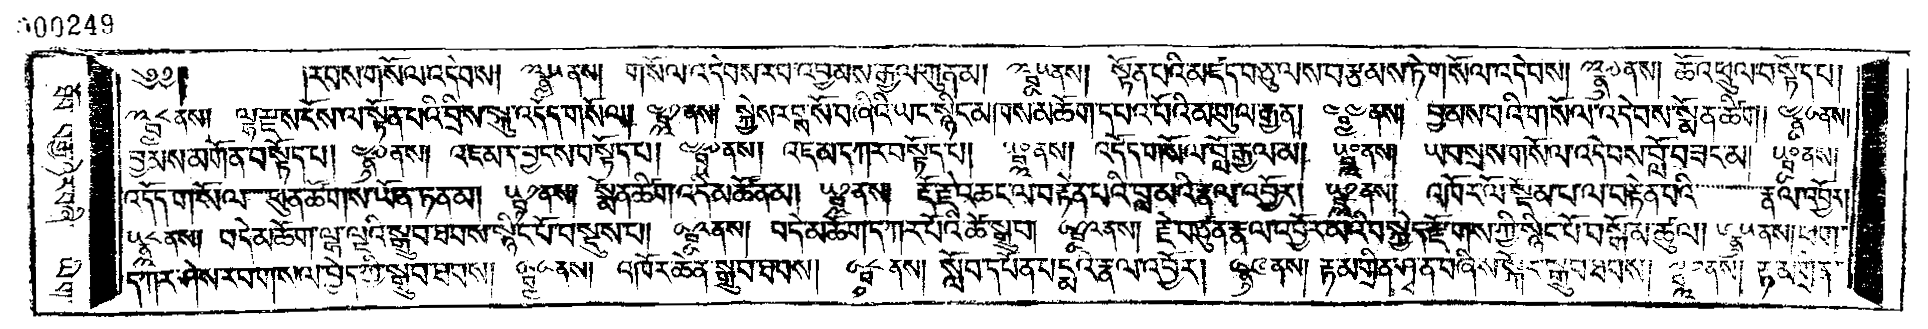༄༅། །རབས་གསོལ་འདེབས། ༣༥ན༤་ནས། གསོལ་འདེབས་རབ་འབྱམས་རྒྱལ་ཀུན་མ། ༣༥བ༦་ནས། སྟོན་པའི་མཛད་བཅུ་ལས་བརྩམས་ཏེ་གསོལ་འདེབས། ༣༦ན༡་ནས། ཆོ་འཕྲུལ་བསྟོད་པ།
༣༨བ༤་ནས། ལྷ་རྫས་ངོས་ལ་སྟོན་པའི་བྲིས་སྐུ་འདོད་གསོལ། ༤༡བ༣་ནས། སྐྱེས་རབས་སོ་བཞིའི་ཡང་སྙིང་མཁས་མཆོག་དཔའ་པོའི་མགུལ་རྒྱན། ༤༤བ༤་ནས། བྱམས་པའི་གསོལ་འདེབས་སྨོན་ཚིག། ༤༦ན༦་ནས།
བྱམས་མགོན་བསྟོད་པ། ༤༦ན༡་ནས། འཇམ་དབྱངས་བསྟོད་པ། ༤༦བ༥་ནས། འཇམ་དཀར་བསྟོད་པ། ༥༠བ༣་ནས། འདོད་གསོལ་བློ་རྒྱལ་མ། ༥༠བ༣་ནས། ཡབ་སྲས་གསོལ་འདེབས་བློ་བཟང་མ། ༥༠བ༦་ནས།
འདོད་གསོལ་ཕུན་ཚོགས་ཡོན་ཏན་མ། ༥༡བ༡་ནས། སྨོན་ཚིག་འདི་ཚུལ། ༦༥ན༡་ནས། རྡོ་རྗེ་འཆང་ལ་བརྟེན་པའི་བླ་མའི་རྣལ་འབྱོར། ༥༡བ༣་ནས། འཁོར་ལོ་སྡོམ་པ་ལ་བརྟེན་པའི་རྣལ་འབྱོར།
༥༨ན༣་ནས། བདེ་མཆོག་ལྷ་ལྔའི་སྒྲུབ་ཐབས་སྙིང་པོ་བསྡུས་པ། ༦༢བ༦་ནས། བདེ་མཆོག་དཀར་པོའི་ཚེ་སྒྲུབ། ༦༣བ༦་ནས། རྗེ་བཙུན་རྣལ་འབྱོར་མའི་བསྐྱེད་རྫོགས་ཀྱི་སྙིང་པོ་བསྒོམ་ཚུལ། ༦༥ན༡་ནས། ཕག་
དཀར་ཤེས་རབ་གསལ་བྱེད་ཀྱི་སྒྲུབ་ཐབས། ༦༦བ༤་ནས། འཁོར་ཆེན་སྒྲུབ་ཐབས། ༦༨བ༡་ནས། སློབ་དཔོན་པདམའི་རྣལ་འབྱོར། ༦༩ན༡་ནས། རྟ་མགྲིན་ཤྭ་ན་བཞིས་སྐོར་སྒྲུབ་ཐབས། ༦༡བ༣་ནས། རྟ་མགྲིན་